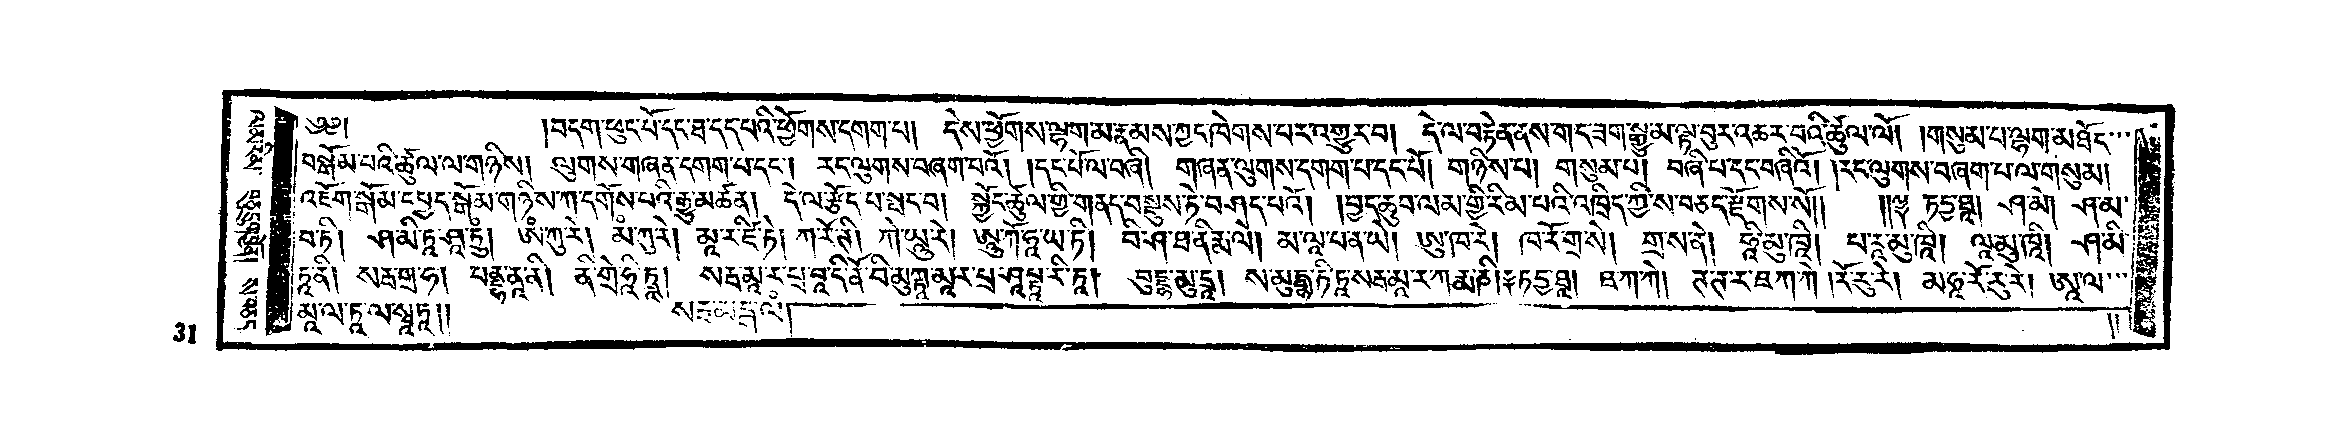༄༅། །བདག་ཕུང་པོ་དང་ཐ་དད་པའི་ཕྱོགས་དགག་པ། དེས་ཕྱོགས་ལྷག་མ་རྣམས་ཀྱང་ཁེགས་པར་འགྱུར་བ། དེ་ལ་བརྟེན་ནས་གང་ཟག་སྒྱུ་མ་ལྟ་བུར་འཆར་བའི་ཚུལ་ལོ། །གསུམ་པ་ལྷག་མཐོང་
བསྒོམ་པའི་ཚུལ་ལ་གཉིས། ལུགས་གཞན་དགག་པ་དང་། རང་ལུགས་བཞག་པའོ། །དང་པོ་ལ་བཞི། གཞན་ལུགས་དགག་པ་དང་པོ། གཉིས་པ། གསུམ་པ། བཞི་པ་དང་བཞིའོ། །རང་ལུགས་བཞག་པ་ལ་གསུམ།
འཇོག་སྒོམ་དཔྱད་སྒོམ་གཉིས་ཀ་དགོས་པའི་རྒྱུ་མཚན། དེ་ལ་རྩོད་པ་སྤང་བ། སྐྱོང་ཚུལ་གྱི་གནད་བསྡུས་ཏེ་བཤད་པའོ། །བྱང་ཆུབ་ལམ་གྱི་རིམ་པའི་འཁྲིད་ཀྱི་ས་བཅད་རྫོགས་སོ།། །།༈ ཏདྱ་ཐཱ། ཤ་མེ། ཤ་མ་
བ་ཏི། ཤ་མི་ཏཱ་ཤཱ་ཏྲུཾ། ཨཾ་?་ཀུ་རེ། མཾ་ཀུ་རེ། མཱ་ར་ཛི་ཏེ། ཀ་རོ་ཊི། ཀེ་ཡཱུ་རེ། ཨཱུ་ཀོ་ཧཱ་ཡ་ཏི། བི་ཤ་ཐ་ནི་རྨ་ལེ། མ་ལཱ་པ་ན་ཡེ། ཨུ་ཁ་རེ། ཁ་རོ་གྲ་སེ། གྲ་ས་ནེ། ཧཱི་མུ་ཁཱི། པ་རཱ་མུ་ཁཱི། ལཱ་མུ་ཁཱི། ཤ་མི་
ཏཱ་ནི། སརྦ་གྲ་ཧ། པནདྷ་ནཱ་ནི། ནི་གྲེ་ཧཱི་ཏྭཱ། སརྦ་མཱ་ར་པྲ་བཱ་དི་ནོ་བི་མུ་ཀཏ་མཱ་ར་པྲ་ཤཱ་པཏཱ་?་རི་ཏཱ། བུ་དདྷ་མུ་དྲཱ། ས་མུ་དདྷ་ཏེ་ཏཱ་སརྦ་མཱ་ར་ཀརྨ་ཎི། ༈ ཏདྱ་ཐཱ། ཊཿཀ་ཀེ། ཊ་ཊ་ར་ཊཿཀ་ཀེ། རོ་རུ་རེ། མ་ཧའ་རོ་རུ་རེ། ཨཱ་ལ་
མཱ་ལ་ཏཱ་ལ་སྭཱཧའ།། སརྦ་མངག་ལཾ། །